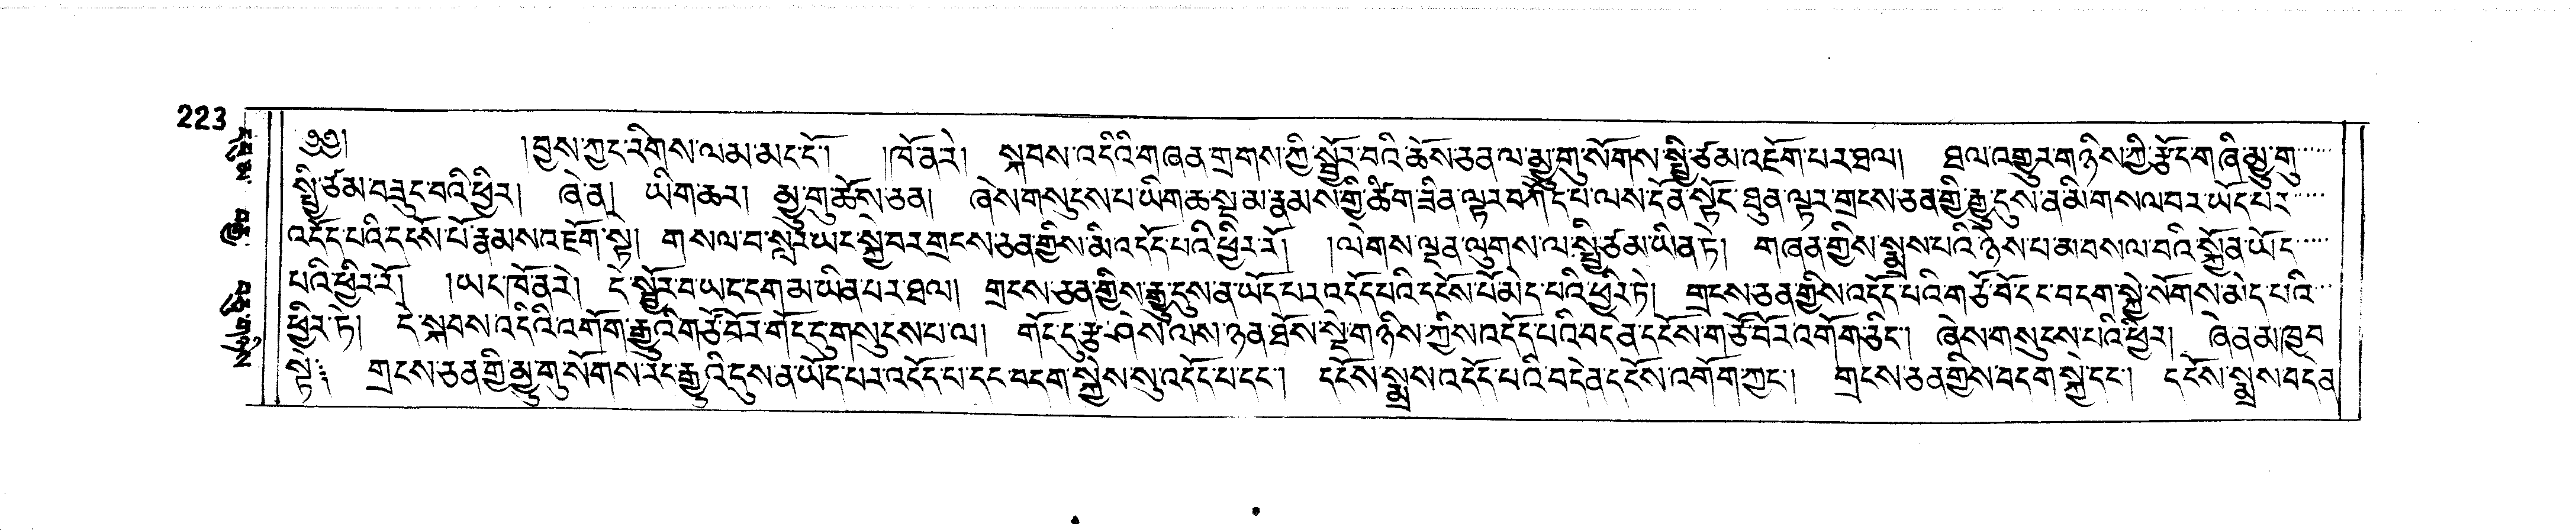༄༅། །བྱས་ཀྱང་རིགས་ལམ་མང་ངོ། །ཁོ་ན་རེ། སྐབས་འདིའི་གཞན་གྲགས་ཀྱི་སྦྱོར་བའི་ཆོས་ཅན་ལ་མྱུ་གུ་སོགས་སྤྱི་ཙམ་འཇོག་པར་ཐལ། ཐལ་འགྱུར་གཉིས་ཀྱི་རྩོད་གཞི་མྱུ་གུ་
སྤྱི་ཙམ་བཟུང་བའི་ཕྱིར། ཞེ་ན། ཡིག་ཆར། མྱུ་གུ་ཆོས་ཅན། ཞེས་གསུངས་པ་ཡིག་ཆ་སྔ་མ་རྣམས་ཀྱི་ཚིག་ཟིན་ལྟར་བཀོད་པ་ལས་དོན་སྟོང་ཐུན་ལྟར་གྲངས་ཅན་གྱི་རྒྱུ་དུས་ན་མི་གསལ་བར་ཡོད་པར་
འདོད་པའི་དངོས་པོ་རྣམས་འཇོག་སྟེ། གསལ་བ་སླར་ཡང་སྐྱེ་བར་གྲངས་ཅན་གྱིས་མི་འདོད་པའི་ཕྱིར་རོ། །ལེགས་ལྡན་ལུགས་ལ་སྤྱི་ཙམ་ཡིན་ཏེ། གཞན་གྱིས་སྨྲས་པའི་ཉེས་པ་མ་བསལ་བའི་སྐྱོན་ཡོད་
པའི་ཕྱིར་རོ། །ཡང་ཁོ་ན་རེ། དེ་སྦྱོར་བ་ཡང་དག་མ་ཡིན་པར་ཐལ། གྲངས་ཅན་གྱིས་རྒྱུ་དུས་ན་ཡོད་པར་འདོད་པའི་དངོས་པོ་མེད་པའི་ཕྱིར་ཏེ། གྲངས་ཅན་གྱིས་འདོད་པའི་གཙོ་བོ་དང་བདག་སྐྱེ་སོགས་མེད་པའི་
ཕྱིར་ཏེ། དེ་སྐབས་འདིའི་འགོག་རྒྱུའི་གཙོ་བོར་གོང་དུ་གསུངས་པ་ལ། གོང་དུ་རྩ་ཤེས་ལས་ཉན་ཐོས་སྡེ་གཉིས་ཀྱིས་འདོད་པའི་བདེན་དངོས་གཙོ་བོར་འགོག་ཅིང་། ཞེས་གསུངས་པའི་ཕྱིར། ཞེ་ན་མ་ཁྱབ་
སྟེ༑ གྲངས་ཅན་གྱི་མྱུ་གུ་སོགས་རང་རྒྱུའི་དུས་ན་ཡོད་པར་འདོད་པ་དང་བདག་སྐྱེས་སུ་འདོད་པ་དང་། དངོས་སྨྲས་འདོད་པའི་བདེན་དངོས་འགོག་ཀྱང་། གྲངས་ཅན་གྱིས་བདག་སྐྱེ་དང་། དངོས་སྨྲས་བདེན་